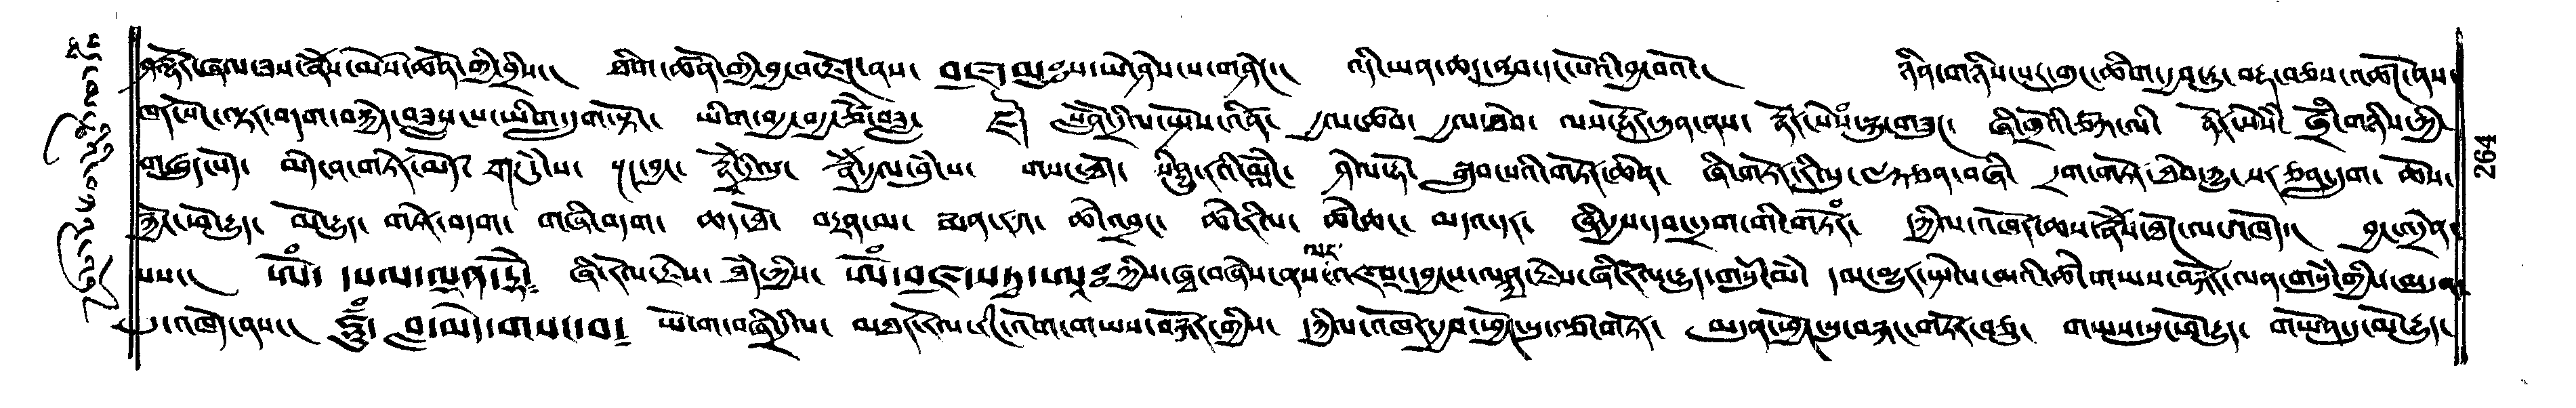ཤར་ལྷོར་ཞལ་ཟས་རྣམས་མཛེས་ཚོན་གྱིས་བྲི། ཐིག་ཚོན་གྱི་བྱ་བ་རྫོགས་ནས། བཛྲ་མུཿ ས་ཡེ་ཤེས་པ་གཤེགས། འདི་ཡན་ཆད་ནུབ་དང་པོའི་བྱ་བའོ།། ཉིན་གཉིས་པར་གུང་ཚིགས་རྒྱབ་ཏུ་བརྡ་བཅས་ཚོགས་ནས་
ཁ་སེང་ལྟར་བདག་བསྐྱེད་བཟླས་པ་ཡིག་དྲུག་སྟོང་། ཡིག་བརྒྱ་བརྒྱ་ཙམ་བཟླ། སློབ་དཔོན་དྲིལ་སྤོས་འཛིན། རྒྱལ་ཚབ། རྒྱལ་ཐེབས། ལས་རྡོར་ཀུན་ནས་རྡོར་སེམས་སྐུ་གཟུགས། ཞི་ཁྲོའི་ཙཀ་ལི། རྡོར་སེམས་དང་ཞི་ཁྲོ་གཉིས་ཀྱི་
གཞུང་པོད། མེད་ན་གཏེར་མཛོད་དུམ་པ། སྔགས་བྱང་། རྡོ་རྗེ་དྲིལ་བུ། རྣམ་རྒྱལ་བུམ་པ། གསང་ཐོད། སིནྡྷུ་རའི་མེ་ལོང་། ཤེལ་རྡོ། སྒྲུབ་པའི་གཏོར་ཆེན། ཞི་གཏོར་རིལ་བུ་ཞེ་གཉིས་ཅན་བཞི། དྲག་གཏོར་མཐེབ་སྐྱུ་ངེ་བརྒྱད་ཅན་དྲུག ཆོས་
སྐྱོང་ཕོ་རྒྱུད། མོ་རྒྱུད། གཏེར་བདག གཞི་བདག ཆད་ཐོ། བརྟན་མ། སྨན་རཀ ཚེ་འབྲང་། ཚེ་རིལ། ཚེ་ཆང་། མདའ་དར། ཞི་རྒྱས་དབང་དྲག་གི་གཏོར་མ། དཀྱིལ་འཁོར་ཆས་རྣམས་ཐོགས་ལ་འཁོད། བྱང་འདྲེན་
པས། ཨོཾ༔ དཔལ་ལྡན་རྡོ་རྗེ༴ ཞི་རོལ་རྗེས་ཐམས་ཅད་ཀྱིས། ཨོཾ་བཛྲ་སཏྭ་ཨཱཿ ཀྱས་ཞྭ་བཞེས་ནས་ལྡང་ཛཔྲ་དབྱངས་ལན་གསུམ་རྗེས་ཞི་རོལ་རྒྱུད་གསུམ་མམ་དལ་མྱུར་སྤེལ་མའི་ཚེ་གཡས་བསྐོར་ལན་གསུམ་གྱིས་མདུན་
དུ་འཁོད་ནས། ཧཱུྃ། བླ་མེད་གསང་བ༴ ཡོ་ག་བཞི་དྲིལ། མཐར་རོལ་རིང་འོག་གཡས་བསྐོར་གྱིས་དཀྱིལ་འཁོར་རྒྱབ་ཕྱོགས་སུ་རྩ་གཏོར། མདུན་ཕྱོགས་སུ་སྐོང་གཏོར་བཅུ། གཡས་སུ་ཕོ་རྒྱུད། གཡོན་དུ་མོ་རྒྱུད།